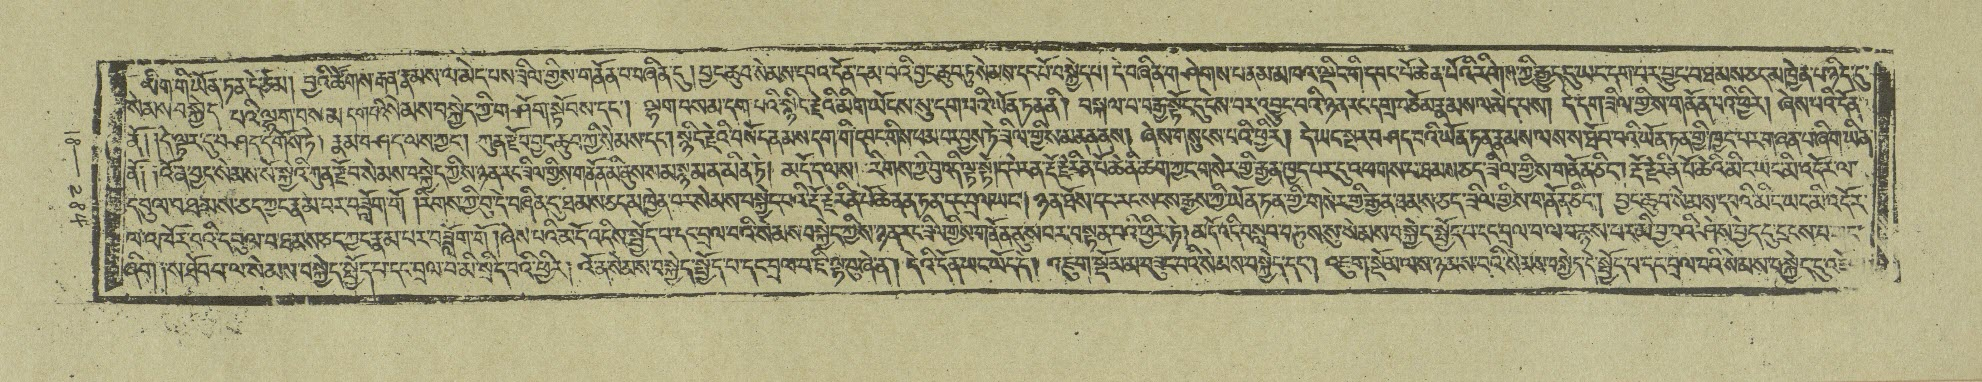མིག་གི་ཡོན་ཏན་དེ་ཙམ། བྱའི་ཆོགས་གཞན་རྣམས་ལ་མེད་པས་ཟིལ་གྱིས་གནོན་པ་བཞིན་དུ། བྱང་ཆུབ་སེམས་དཔའ་དོན་དམ་པའི་བྱང་ཆུབ་ཏུ་སེམས་དང་པོ་བསྐྱེད་པ། དེ་བཞིན་གཤེགས་པ་ནམ་མཁའ་ལྡིང་གི་དབང་པོ་ཆེན་པོའི་རིགས་ཀྱི་རྒྱུད་དུ་ཡང་དག་པར་བྱུང་བ་ཐམས་ཅད་མཁྱེན་པ་ཉིད་དུ་
སེམས་བསྐྱེད་པའི་ལྷག་བསམ་དག་པའི་སེམས་བསྐྱེད་ཀྱི་གཤོག་སྟོབས་དང་། ལྷག་བསམ་དག་པའི་སྙིང་རྗེའི་མིག་ཡོངས་སུ་དག་པའི་ཡོན་ཏན་ནི། བསྐལ་པ་བརྒྱ་སྟོང་དུ་ངེས་པར་འབྱུང་བའི་ཉན་རང་དགྲ་བཅོམ་རྣམས་ལ་མེད་པས། དེ་དག་ཟིལ་གྱིས་གནོན་པའི་ཕྱིར། ཞེས་པའི་དོན་
ནོ། །དེ་ལྟར་དུ་བཤད་དགོས་ཏེ། རྣམ་བཤད་ལས་ཀྱང་། ཀུན་རྫོབ་བྱང་ཆུབ་ཀྱི་སེམས་དང་། སྙིང་རྗེའི་བསོད་ནམས་དག་གི་དབང་གིས་ཕམ་པར་བྱས་ཏེ་ཟིལ་གྱིས་མནན་ནས། ཞེས་གསུངས་པའི་ཕྱིར། དེ་ཡང་སྔར་བཤད་པའི་ཡོན་ཏན་རྣམས་ལས་ས་ཐོབ་པའི་ཡོན་ཏན་གྱི་ཁྱད་པར་གཞན་པ་ཞིག་ཡིན་
ནོ། །འོ་ན་བྱང་སེམས་སོ་སྐྱེའི་ཀུན་རྫོབ་སེམས་བསྐྱེད་ཀྱིས་ཉན་རང་ཟིལ་གྱིས་གནོན་མི་ནུས་སམ་སྙམ་ན་མིན་ཏེ། མདོ་ད་ལས། རིགས་ཀྱི་བུ་འདི་ལྟ་སྟེ། དཔེར་ན་རྡོ་རྗེ་རིན་པོ་ཆེ་ནི་ཆག་ཀྱང་གསེར་གྱི་རྒྱན་ཁྱད་པར་དུ་འཕགས་པ་ཐམས་ཅད་ཟིལ་གྱིས་གནོན་ཅིང་། རྡོ་རྗེ་རིན་པོ་ཆེའི་མིང་ཡང་མི་འདོར་ལ་
དབུལ་བ་ཐམས་ཅད་ཀྱང་རྣམ་པར་བཟློག་གོ །རིགས་ཀྱི་བུ་དེ་བཞིན་དུ་ཐམས་ཅད་མཁྱེན་པར་སེམས་བསྐྱེད་པའི་རྡོ་རྗེ་རིན་པོ་ཆེ་ནན་ཏན་དང་བྲལ་ཡང་། ཉན་ཐོས་དང་རང་སངས་རྒྱས་ཀྱི་ཡོན་ཏན་གྱི་གསེར་གྱི་རྒྱན་ཐམས་ཅད་ཟིལ་གྱིས་གནོན་ཅིང་། བྱང་ཆུབ་སེམས་དཔའི་མིང་ཡང་མི་འདོར་
ལ་འཁོར་བའི་དབུལ་བ་ཐམས་ཅད་ཀྱང་རྣམ་པར་བཟློག་གོ །ཞེས་པའི་མདོ་འདིས་སྤྱོད་པ་དང་བྲལ་བའི་སེམས་བསྐྱེད་ཀྱིས་ཉན་རང་ཟིལ་གྱིས་གནོན་ནུས་པར་བསྟན་པའི་ཕྱིར་ཏེ། མདོ་འདི་བསླབ་བཏུས་སུ་སེམས་བསྐྱེད་སྤྱོད་པ་དང་བྲལ་བ་ལ་བརྙས་པར་མི་བྱ་བའི་ཤེས་བྱེད་དུ་དྲངས་པ་གང་
ཞིག །ས་ཐོབ་པ་ལ་སེམས་བསྐྱེད་སྤྱོད་པ་དང་བྲེལ་བ་མི་སྲིད་པའི་ཕྱིར། འོ་ན་སེམས་བསྐྱེད་སྤྱོད་པ་དང་བྲལ་བ་ཇི་སྟེ་བུ་ཞེ་ན། དེའི་དོན་ཡང་ཡོད་དེ། འཇུག་སྡོམ་མ་བཟུང་བའི་སེམས་བསྐྱེད་དང་། འཇུག་སྡོམ་ལས་ཉམས་པའི་སེམས་བསྐྱེད་དེ་སྤྱོད་པ་དང་བྲལ་བའི་སེམས་བསྐྱེད་དུ་འཇོག་